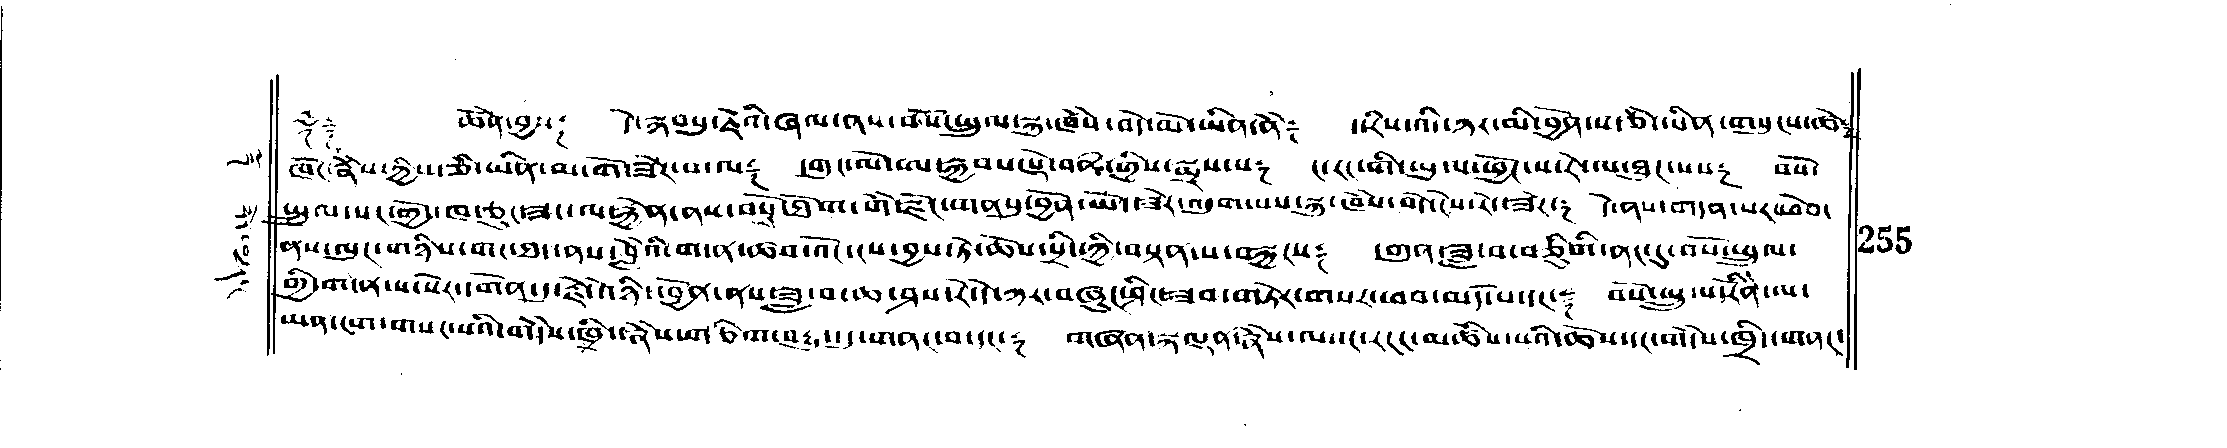ཆེན་པོ་བྱས། དེ་སྐབས་སུ་རྗེའི་ཞལ་ནས་བསོ་སྤྲུལ་སྐུ་ཁམས་བདེ་མོ་ཡིན་ནམ། ད་རིས་འདི་ཀར་མི་བྱོན་པ་ཅི་ཡིན་གསུངས་ཚེ། 
ཁོང་རྣམས་ཀྱིས་ཅི་ཡིན་མ་གོ་ཟེར་བ་ལ། དགུང་མོ་ཨ་སྐྱབས་སྡེ་བཙན་གྱིས་སྨྲས་པ། ང་རང་གི་ཡུལ་ཕྱོགས་པ་རེ་ལ་ཐུག་པས། བསོ་
སྤྲུལ་སང་གྱོད་ཁ་ཅུ་ཟད་ལ་རྐྱེན་ནས་བསྭོ་ཐོག་གམ་རྫོང་གནས་སུ་བྱོན་ཡོད་ཟེར་འདུག་པས་སྐུ་ཁམས་བདེ་ངེས་རེད་ཟེར། དེ་ནས་གདན་སར་ཕེབས་
ནས་ལུགས་གཉིས་གང་ཐད་ནས་བླ་མའི་གདན་ཚབ་འོང་ངས་བྱས་ཏེ་ཆོས་སྲིད་ཀྱི་བསྟན་པ་བསྐྱངས། དགུན་ཟླ་བ་བཅུ་གཅིག་གི་ནང་དུ་བསོ་སྤྲུལ་
གྱི་གནས་གདན་ས་སེར་དགོན་དུ་རྗེ་དེ་ཉིད་བྱོན་ནས་ཟླ་བ་ཆ་ཤས་རེ་དེ་ཀར་བཞུགས་ཤིང་ཟབ་གཏེར་གསར་ཕབ་མཛད་པ་དང་། བསོ་སྤྲུལ་རིན་པོ་ཆེ་ལ་
མན་ངག་གསང་བའི་གདམས་ཁྲིད་རྣམས་གཅིག་བརྒྱུད་དུ་གནང་བ་དང་། གཞན་སྐལ་ལྡན་རྣམས་ལའང་རང་རང་འཚམས་པའི་ཆོས་དང་གདམས་ཁྲིད་གནང་